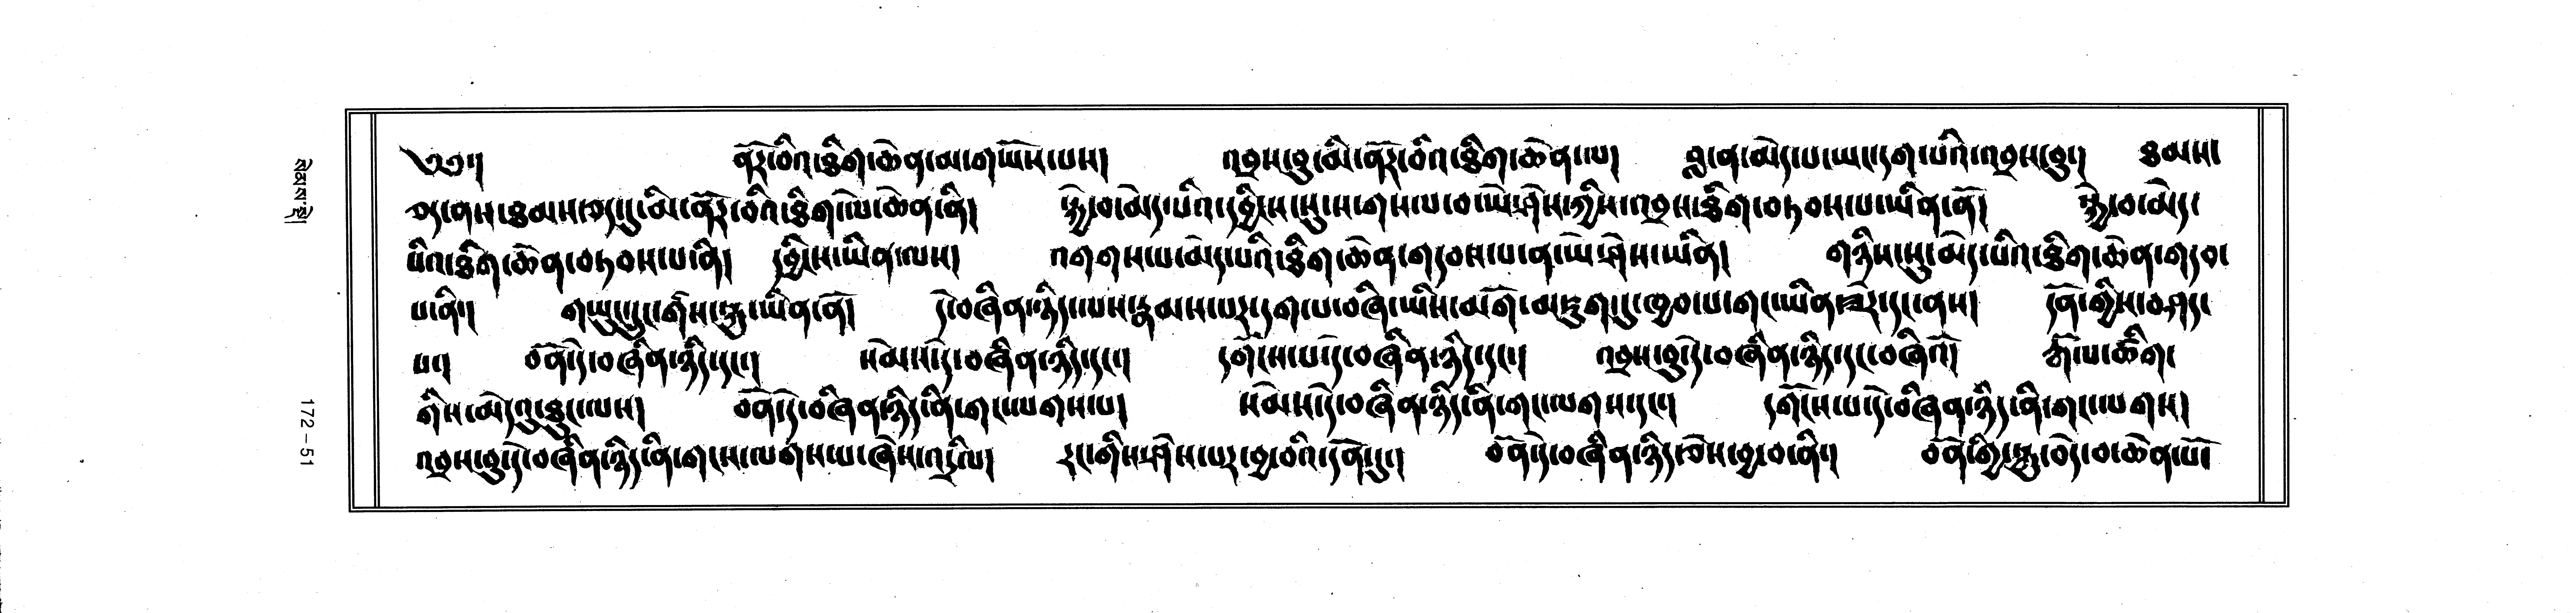ནོར་བའི་ཐིག་ཆེན་མ་གཡོས་པས། འབྲས་བུ་མི་ནོར་བའི་ཐིག་ཆེན་ལ། བླ་ན་མེད་པ་ཡང་དག་པའི་འབྲས་བུ། ཐམས་
ཅད་ནས་ཐམས་ཅད་དུ་མི་ནོར་བའི་ཐིག་ཆེན་ནི། སྐྱེ་བ་མེད་པའི་དབྱིངས་སུ་གསལ་བ་ཡེ་ཤེས་ཀྱིས་འབྲས་ཐིག་བཏབས་པ་ཡིན་ནོ། སྐྱེ་བ་མེད་
པའི་ཐིག་ཆེན་བཏབས་པ་ནི་དབྱིངས་ཡིན་ལས། འགགས་པ་མེད་པའི་ཐིག་ཆེན་གདབས་པ་ན་ཡེ་ཤེས་ཡིན། གཉིས་སུ་མེད་པའི་ཐིག་ཆེན་གདབ་
པ་ནི། གཡུང་དྲུང་གི་སྐུ་ཡིན་ནོ། དེ་བཞིན་ཉིད་ལས་རྣམ་པར་དག་པ་བཞི་ཡིས་མགོ་མཇུག་དུ་ཁྱབ་པ་གང་ཡིན་ཟེར་དང་ནས། དོན་གྱིས་བཤད་
པ། བོན་དེ་བཞིན་ཉིད་དང་། སེམས་དེ་བཞིན་ཉིད་དང་། དགོངས་པ་དེ་བཞིན་ཉིད་དང་། འབྲས་བུ་དེ་བཞིན་ཉིད་དང་བཞིའོ། རྒོལ་ཚིག་
གིས་མདེའུ་ཐུང་ལས། བོན་དེ་བཞིན་ཉིད་ནི་གང་ལགས་པ། སེམས་དེ་བཞིན་ཉིད་ནི་གང་ལགས་དང་། དགོངས་པ་དེ་བཞིན་ཉིད་ནི་གང་ལགས་པ། 
འབྲས་བུ་དེ་བཞིན་ཉིད་ནི་གངས་ལགས་པ་ཞེས་འདྲི་ལ། རང་གིས་ཤེས་པར་བྱ་བའི་དོན་དུ། བོན་དེ་བཞིན་ཉིད་ཅེས་བྱ་བ་ནི། བོན་གྱི་སྐུ་བདེ་བ་ཆེན་པོ་